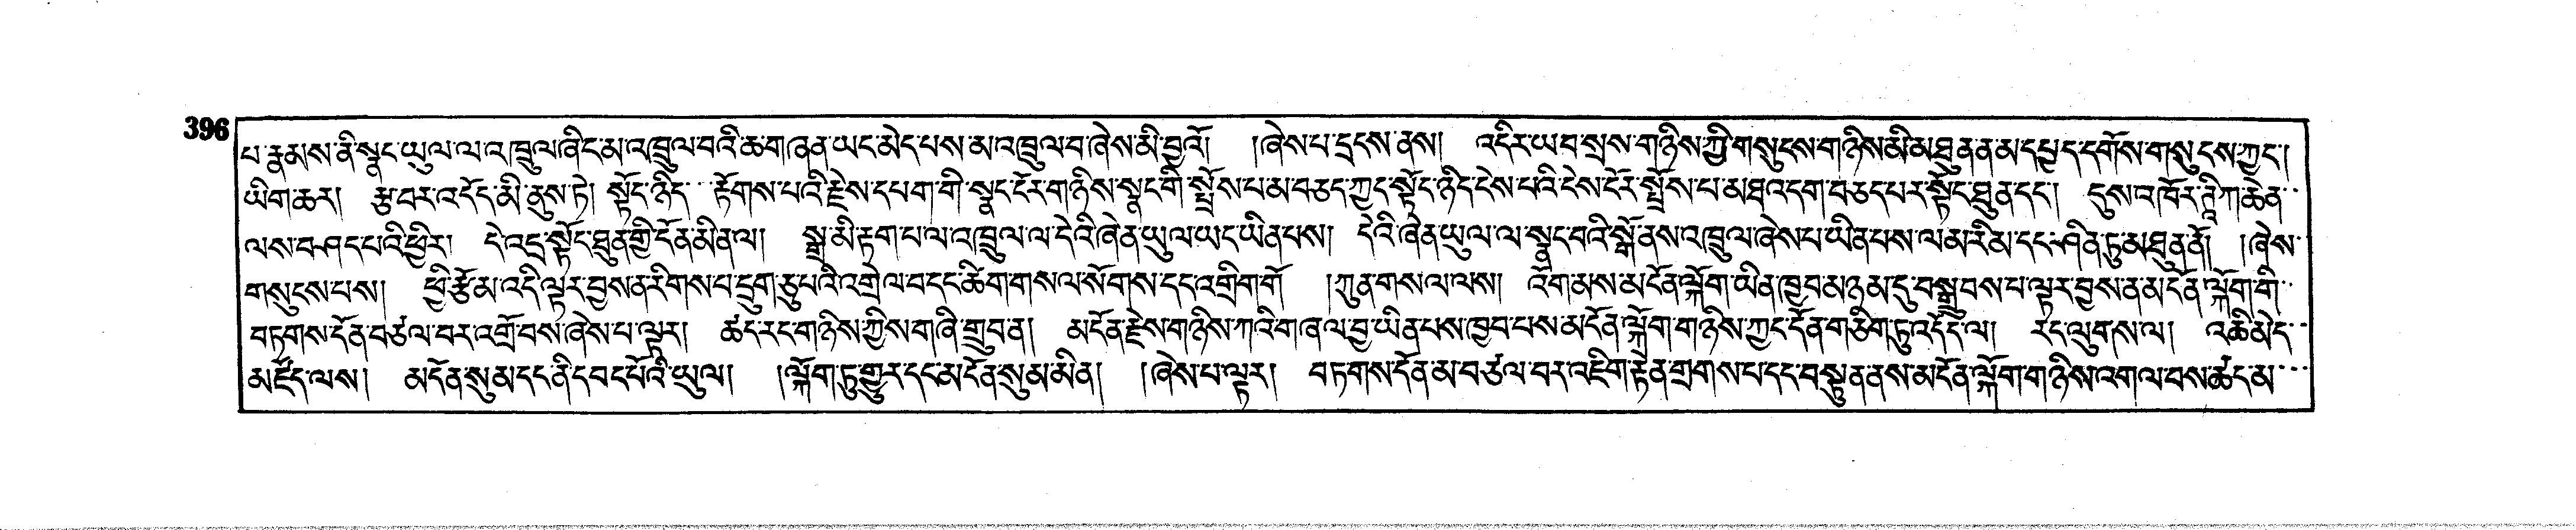པ་རྣམས་ནི་སྣང་ཡུལ་ལ་འཁྲུལ་ཞིང་མ་འཁྲུལ་བའི་ཆ་གཞན་ཡང་མེད་པས་མ་འཁྲུལ་བ་ཞེས་མི་བྱའོ། །ཞེས་པ་དྲངས་ནས། འདིར་ཡབ་སྲས་གཉིས་ཀྱི་གསུངས་གཉིས་མི་མཐུན་ན་མ་དཔྱད་དགོས་གསུངས་ཀྱང་།
ཡིག་ཆར། རྩ་བར་འདོད་མི་ནུས་ཏེ། སྟོང་ཉིད་རྟོགས་པའི་རྗེས་དཔག་གི་སྣང་ངོར་གཉིས་སྣང་གི་སྤྲོས་པ་མ་བཅད་ཀྱང་སྟོང་ཉིད་ངེས་པའི་ངེས་ངོར་སྤྲོས་པ་མཐའ་དག་བཅད་པར་སྟོང་ཐུན་དང་། དུས་འཁོར་ཊཱིཀ་ཆེན་
ལས་བཤད་པའི་ཕྱིར། དེ་འདྲ་སྟོང་ཐུན་གྱི་དོན་མིན་ལ། སྒྲ་མི་རྟག་པ་ལ་འཁྲུལ་ལ་དེའི་ཞེན་ཡུལ་ཡང་ཡིན་པས། དེའི་ཞེན་ཡུལ་ལ་སྣང་བའི་སྒོ་ནས་འཁྲུལ་ཞེས་པ་ཡིན་པས་ལམ་རིམ་དང་ཤིན་ཏུ་མཐུན་ནོ། །ཞེས་
གསུངས་པས། ཕྱི་རྩོམ་འདི་ལྟར་བྱས་ན་རིགས་པ་དྲུག་ཅུ་པའི་འགྲེལ་བ་དང་ཚིག་གསལ་སོགས་དང་འགྲིག་གོ །ཀུན་གསལ་ལས། འོག་མས་མངོན་ལྐོག་ཡིན་ཁྱབ་མཉམ་དུ་བསྒྲུབས་པ་ལྟར་བྱས་ན་མངོན་ལྐོག་གི་
བཏགས་དོན་བཙལ་བར་འགྲོ་བས་ཞེས་པ་ལྟར། ཚད་རང་གཉིས་ཀྱིས་གཞི་གྲུབ་ན། མངོན་རྗེས་གཉིས་ཀའི་གཞལ་བྱ་ཡིན་པས་ཁྱབ་པས་མངོན་ལྐོག་གཉིས་ཀྱང་དོན་གཅིག་ཏུ་འདོད་ལ། རང་ལུགས་ལ། འཆི་མེད་
མཛོད་ལས། མངོན་སུམ་དང་ནི་དབང་པོའི་ཡུལ། །ལྐོག་ཏུ་གྱུར་དང་མངོན་སུམ་མིན། །ཞེས་པ་ལྟར། བཏགས་དོན་མ་བཙལ་བར་འཇིག་རྟེན་གྲགས་པ་དང་བསྟུན་ནས་མངོན་ལྐོག་གཉིས་འགལ་བས་ཚད་མ་